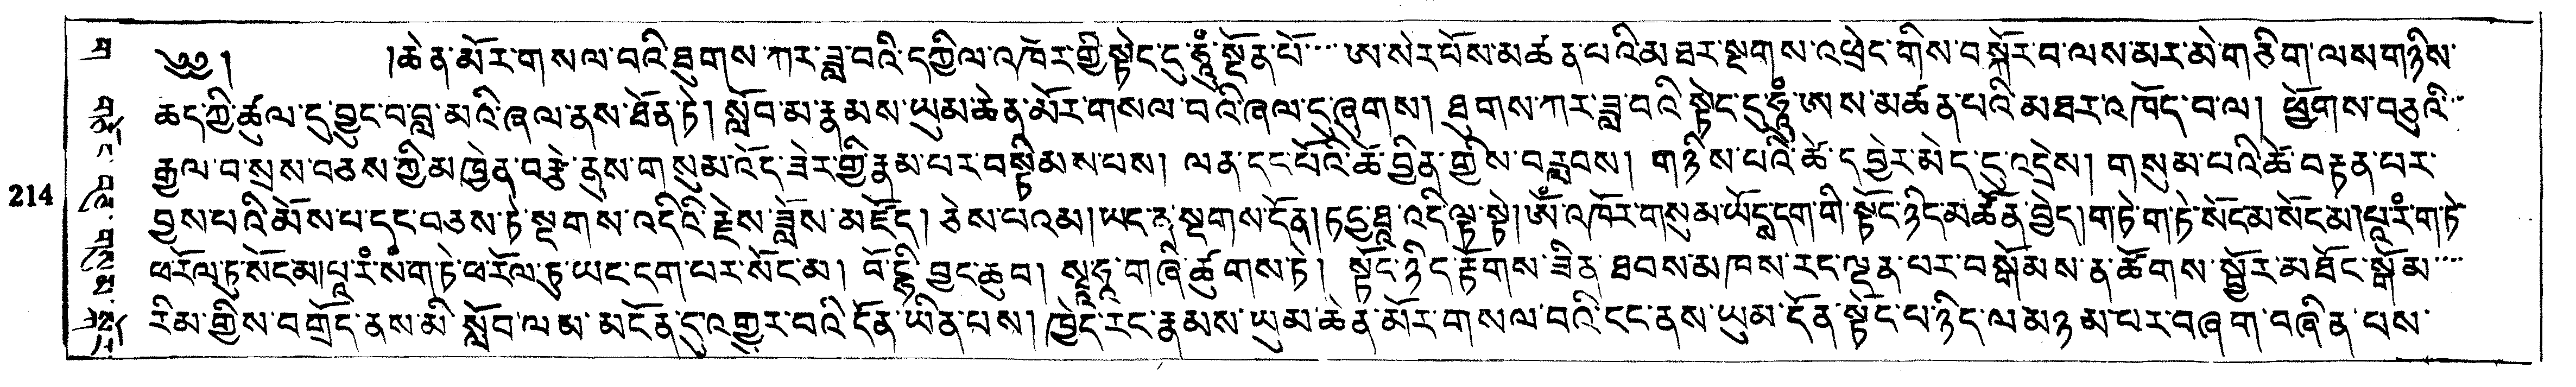༄༅། །ཆེན་མོར་གསལ་བའི་ཐུགས་ཀར་ཟླ་བའི་དཀྱིལ་འཁོར་གྱི་སྟེང་དུ་ཧཱུཾ་སྔོན་པོ་ཨ་སེར་པོས་མཚན་པའི་མཐར་སྔགས་འཕྲེང་གིས་བསྐོར་བ་ལས་མར་མེ་གཅིག་ལས་གཉིས་
ཆད་ཀྱི་ཚུལ་དུ་བྱུང་བ་བླ་མའི་ཞལ་ནས་ཐོན་ཏེ། སློབ་མ་རྣམས་ཡུམ་ཆེན་མོར་གསལ་བའི་ཞལ་དུ་ཞུགས། ཐུགས་ཀར་ཟླ་བའི་སྟེང་དུ་ཧཱུཾ་ཨས་མཚན་པའི་མཐར་འཁོད་བ་ལ། ཕྱོགས་བཅུའི་
རྒྱལ་བ་སྲས་བཅས་ཀྱི་མཁྱེན་བརྩེ་ནུས་གསུམ་འོད་ཟེར་གྱི་རྣམ་པར་བསྟིམས་པས། ལན་དང་པོའི་ཚེ་བྱིན་གྱིས་བརླབས། གཉིས་པའི་ཚེ་དབྱེར་མེད་དུ་འདྲེས། གསུམ་པའི་ཚེ་བརྟན་པར་
བྱས་པའི་མོས་པ་དང་བཅས་ཏེ་སྔགས་འདིའི་རྗེས་ཟློས་མཛོད། ཅེས་པའམ། ཡང་ན་སྔགས་དོན། ཏདྱ་ཐཱ་འདི་ལྟ་སྟེ། ཨོཾ་འཁོར་གསུམ་ཡོངས་དག་གི་སྟོང་ཉིད་མཚོན་བྱེད། གཏེ་ག་ཏེ་སོང་མ་སོང་མ། པཱ་རཾཨ་ག་ཏེ་
ཕ་རོལ་ཏུ་སོང་མ། པཱ་རཾ་སཾ་ག་ཏེ་ཕ་རོལ་ཏུ་ཡང་དག་པར་སོང་མ། བོ་དྷི་བྱང་ཆུབ། སྭཱ་ཧཱ་གཞི་ཚུགས་ཏེ། སྟོང་ཉིད་རྟོགས་ཟིན་ཐབས་མཁས་རང་ལྡན་པར་བསྒོམས་ན་ཚོགས་སྦྱོར་མཐོང་སྒོམ་
རིམ་གྱིས་བགྲོད་ནས་མི་སློབ་ལམ་མངོན་དུ་འགྱུར་བའི་དོན་ཡིན་པས། ཁྱེད་རང་རྣམས་ཡུམ་ཆེན་མོར་གསལ་བའི་ངང་ནས་ཡུམ་དོན་སྟོང་པ་ཉིད་ལ་མཉམ་པར་བཞག་བཞིན་པས་